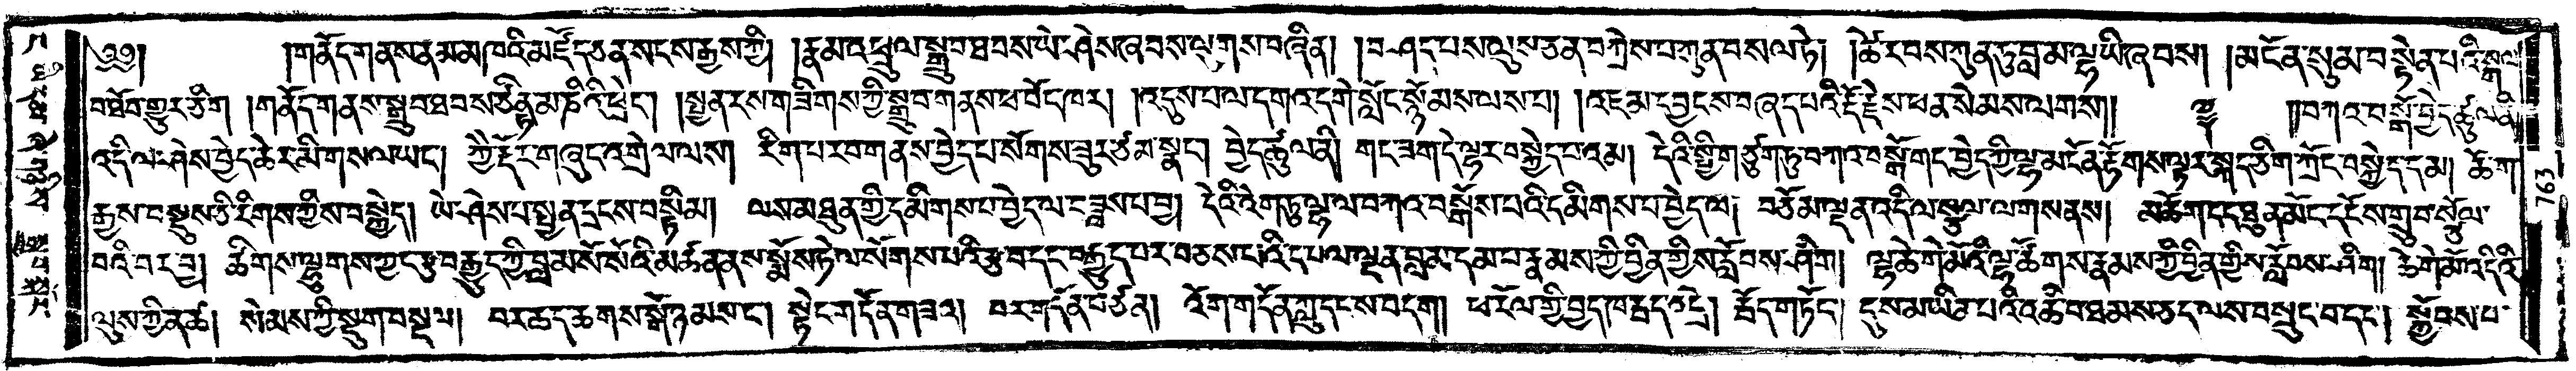༄༅། །གནོད་གནས་ནམ་མཁའི་མཛོད་ཅན་སངས་རྒྱས་ཀྱི། །རྣམ་འཕྲུལ་སྒྲུབ་ཐབས་ཡེ་ཤེས་ཞབས་ལུགས་བཞིན། །བཤད་པས་ལུས་ཅན་བཀྲེས་པ་ཀུན་བསལ་ཏེ། །ཚེ་རབས་ཀུན་ཏུ་བླ་མ་ལྷ་ཡི་ཞབས། །མངོན་སུམ་བསྟེན་པའི་སྐལ་
བ་ཐོབ་གྱུར་ཅིག །གནོད་གནས་སྒྲུབ་ཐབས་ཙིནྟ་མཎིའི་ཕྲེང་། །སྤྱན་རས་གཟིགས་ཀྱི་སྒྲུབ་གནས་ཕ་བོང་ཁར། །འདུས་པ་ལ་དགའ་དགེ་སློང་སྙོམས་ལས་པ། །འཇམ་དབྱངས་བཞད་པའི་རྡོ་རྗེས་ཕན་སེམས་ལགས།། ༈ །།བཀའ་བསྒོ་བྱེད་ཚུལ་ནི།
འདི་ལ་ཤེས་བྱེད་ཆེར་མི་གསལ་ཡང་། ཀྱཻ་རྡོར་གཞུང་འགྲེལ་ལས། རིག་པ་རབ་གནས་བྱེད་པ་སོགས་ཟུར་ཙམ་སྣང་། བྱེད་ཚུལ་ནི། གང་ཟག་དེ་ལྷར་བསྐྱེད་བའམ། དེའི་སྤྱི་གཙུག་ཏུ་བཀའ་བསྒོ་གང་བྱེད་ཀྱི་ལྷ་མངོན་རྟོགས་ལྟར་སྐད་ཅིག་ཀྲོང་བསྐྱེད་དམ། ཆོ་ག་
རྒྱས་བསྡུས་ཅི་རིགས་ཀྱིས་བསྐྱེད། ཡེ་ཤེས་པ་སྤྱན་དྲངས་བསྟིམ། ལས་མཐུན་གྱི་དམིགས་པ་བྱེད་ལ་བཟླས་པ་བྱ། དེའི་འོག་ཏུ་ལྷ་ལ་བཀའ་བསྒོས་པའི་དམིགས་པ་བྱེད་ལ། བཅོམ་ལྡན་འདི་ལ་སྩལ་ལགས་ནས། མཆོག་ངང་ཐུམ་མོང་དངོས་གྲུབ་སྩོལ་
བའི་བར་བྱ། ཚིགས་ལྷུགས་ཀྱང་རྩ་བརྒྱུད་ཀྱི་བླ་མ་སོ་སོའི་མཚན་ནས་སྨོས་ཏེ་ལ་སོགས་པའི་རྩ་བ་དང་བརྒྱུད་པར་བཅས་པའི་དཔལ་ལྡན་བླ་མ་དམ་པ་རྣམས་ཀྱི་བྱིན་གྱིས་རློབས་ཤིག། ལྷ་ཆེ་ཀེ་མོའི་ལྷ་ཚོགས་རྣམས་ཀྱི་བྱིན་གྱིས་རློབས་ཤིག། ཆེ་གེ་མོ་འདིའི་
ལུས་ཀྱི་ན་ཚ། སེམས་ཀྱི་སྡུག་བསྔལ། བར་ཆད་ཆགས་སྒོ་ཉམས་པ། སྟེང་གདོན་གཟའ། བར་གདོན་བཙན། འོག་གདོན་ཀླུ་དང་ས་བདག། ཕ་རོལ་གྱི་བྱད་ཁ་རྦད་འདྲེ། རྦོད་གཏོང་། དུས་མ་ཡིན་བའི་འཆི་བ་ཐམས་ཅད་ལས་བསྲུང་བ་དང་། སྐྱོབས་པ་